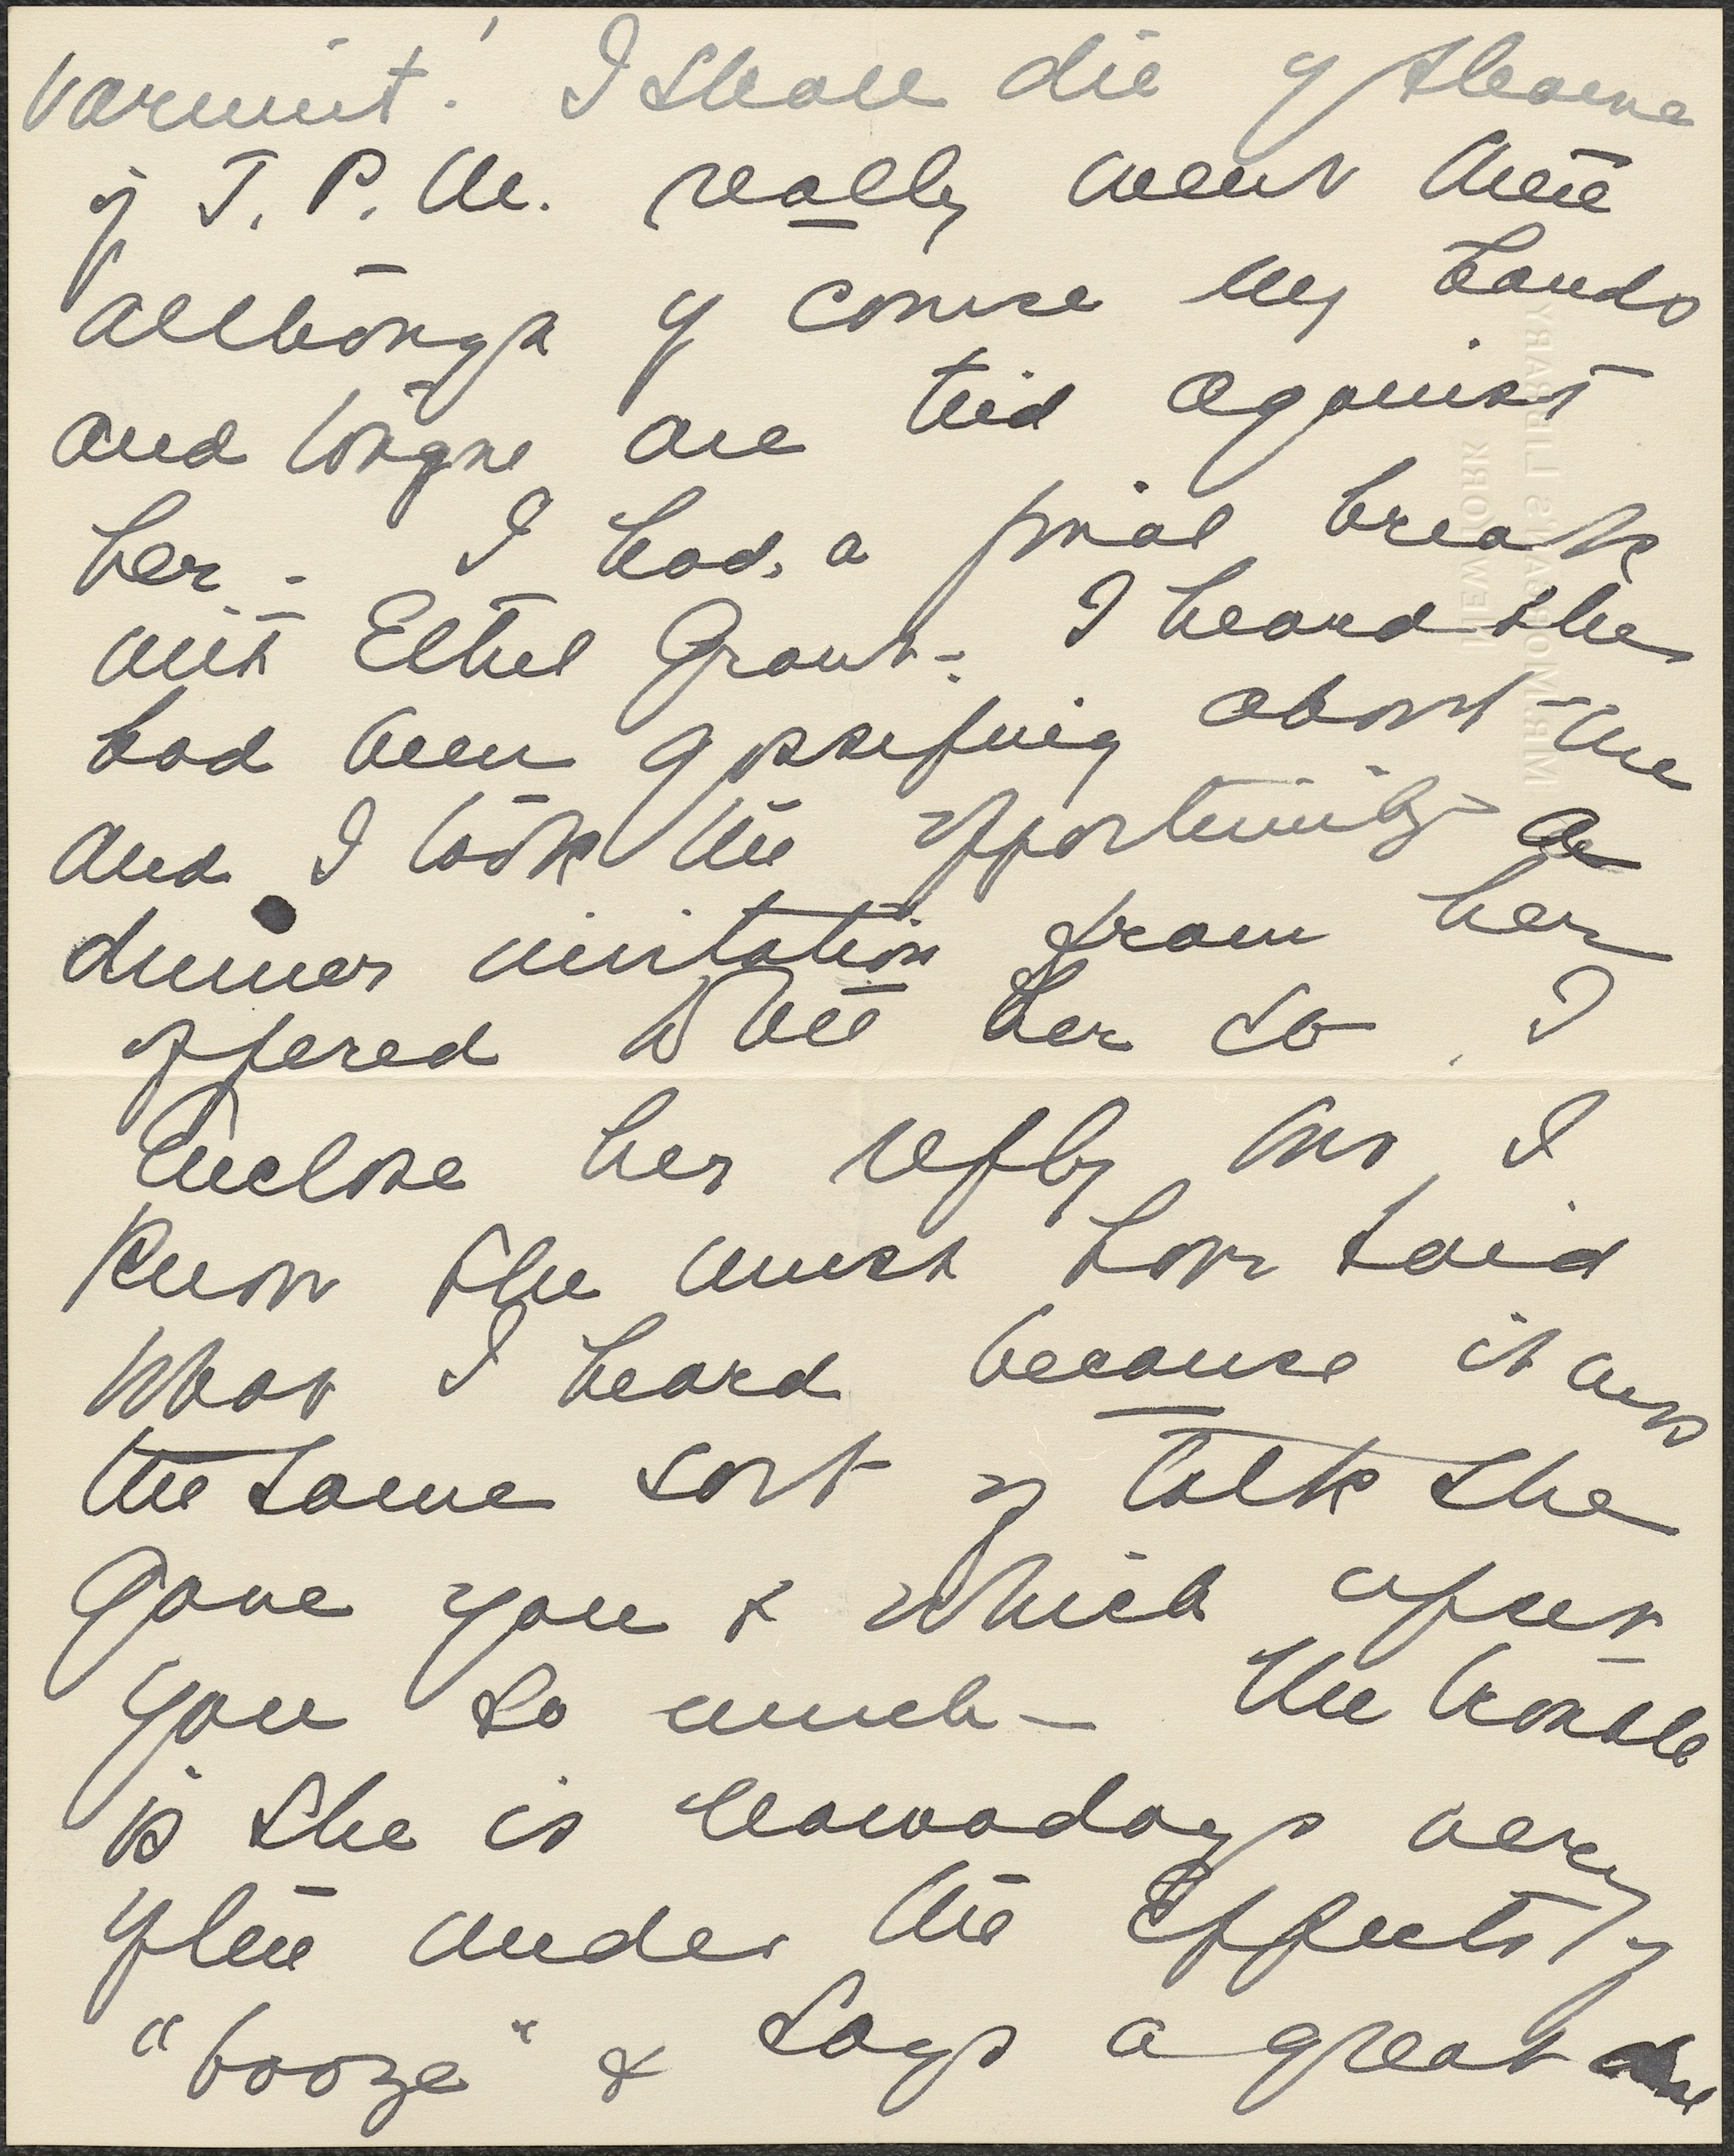varmint! I shall die of shame if J.P.M. really went there although of course my hands and tongue are tied against her. I had a final break with Ethel Grant. I heard she had been gossiping about me and I took the opportunity[,] a dinner invitation from her offered to tell her so. I enclose her reply but I know she must have said what I heard because it was the same sort of talk she gave you & which upset you so much – the trouble is she is nowadays very often under the effects of “booze” & says a great deal